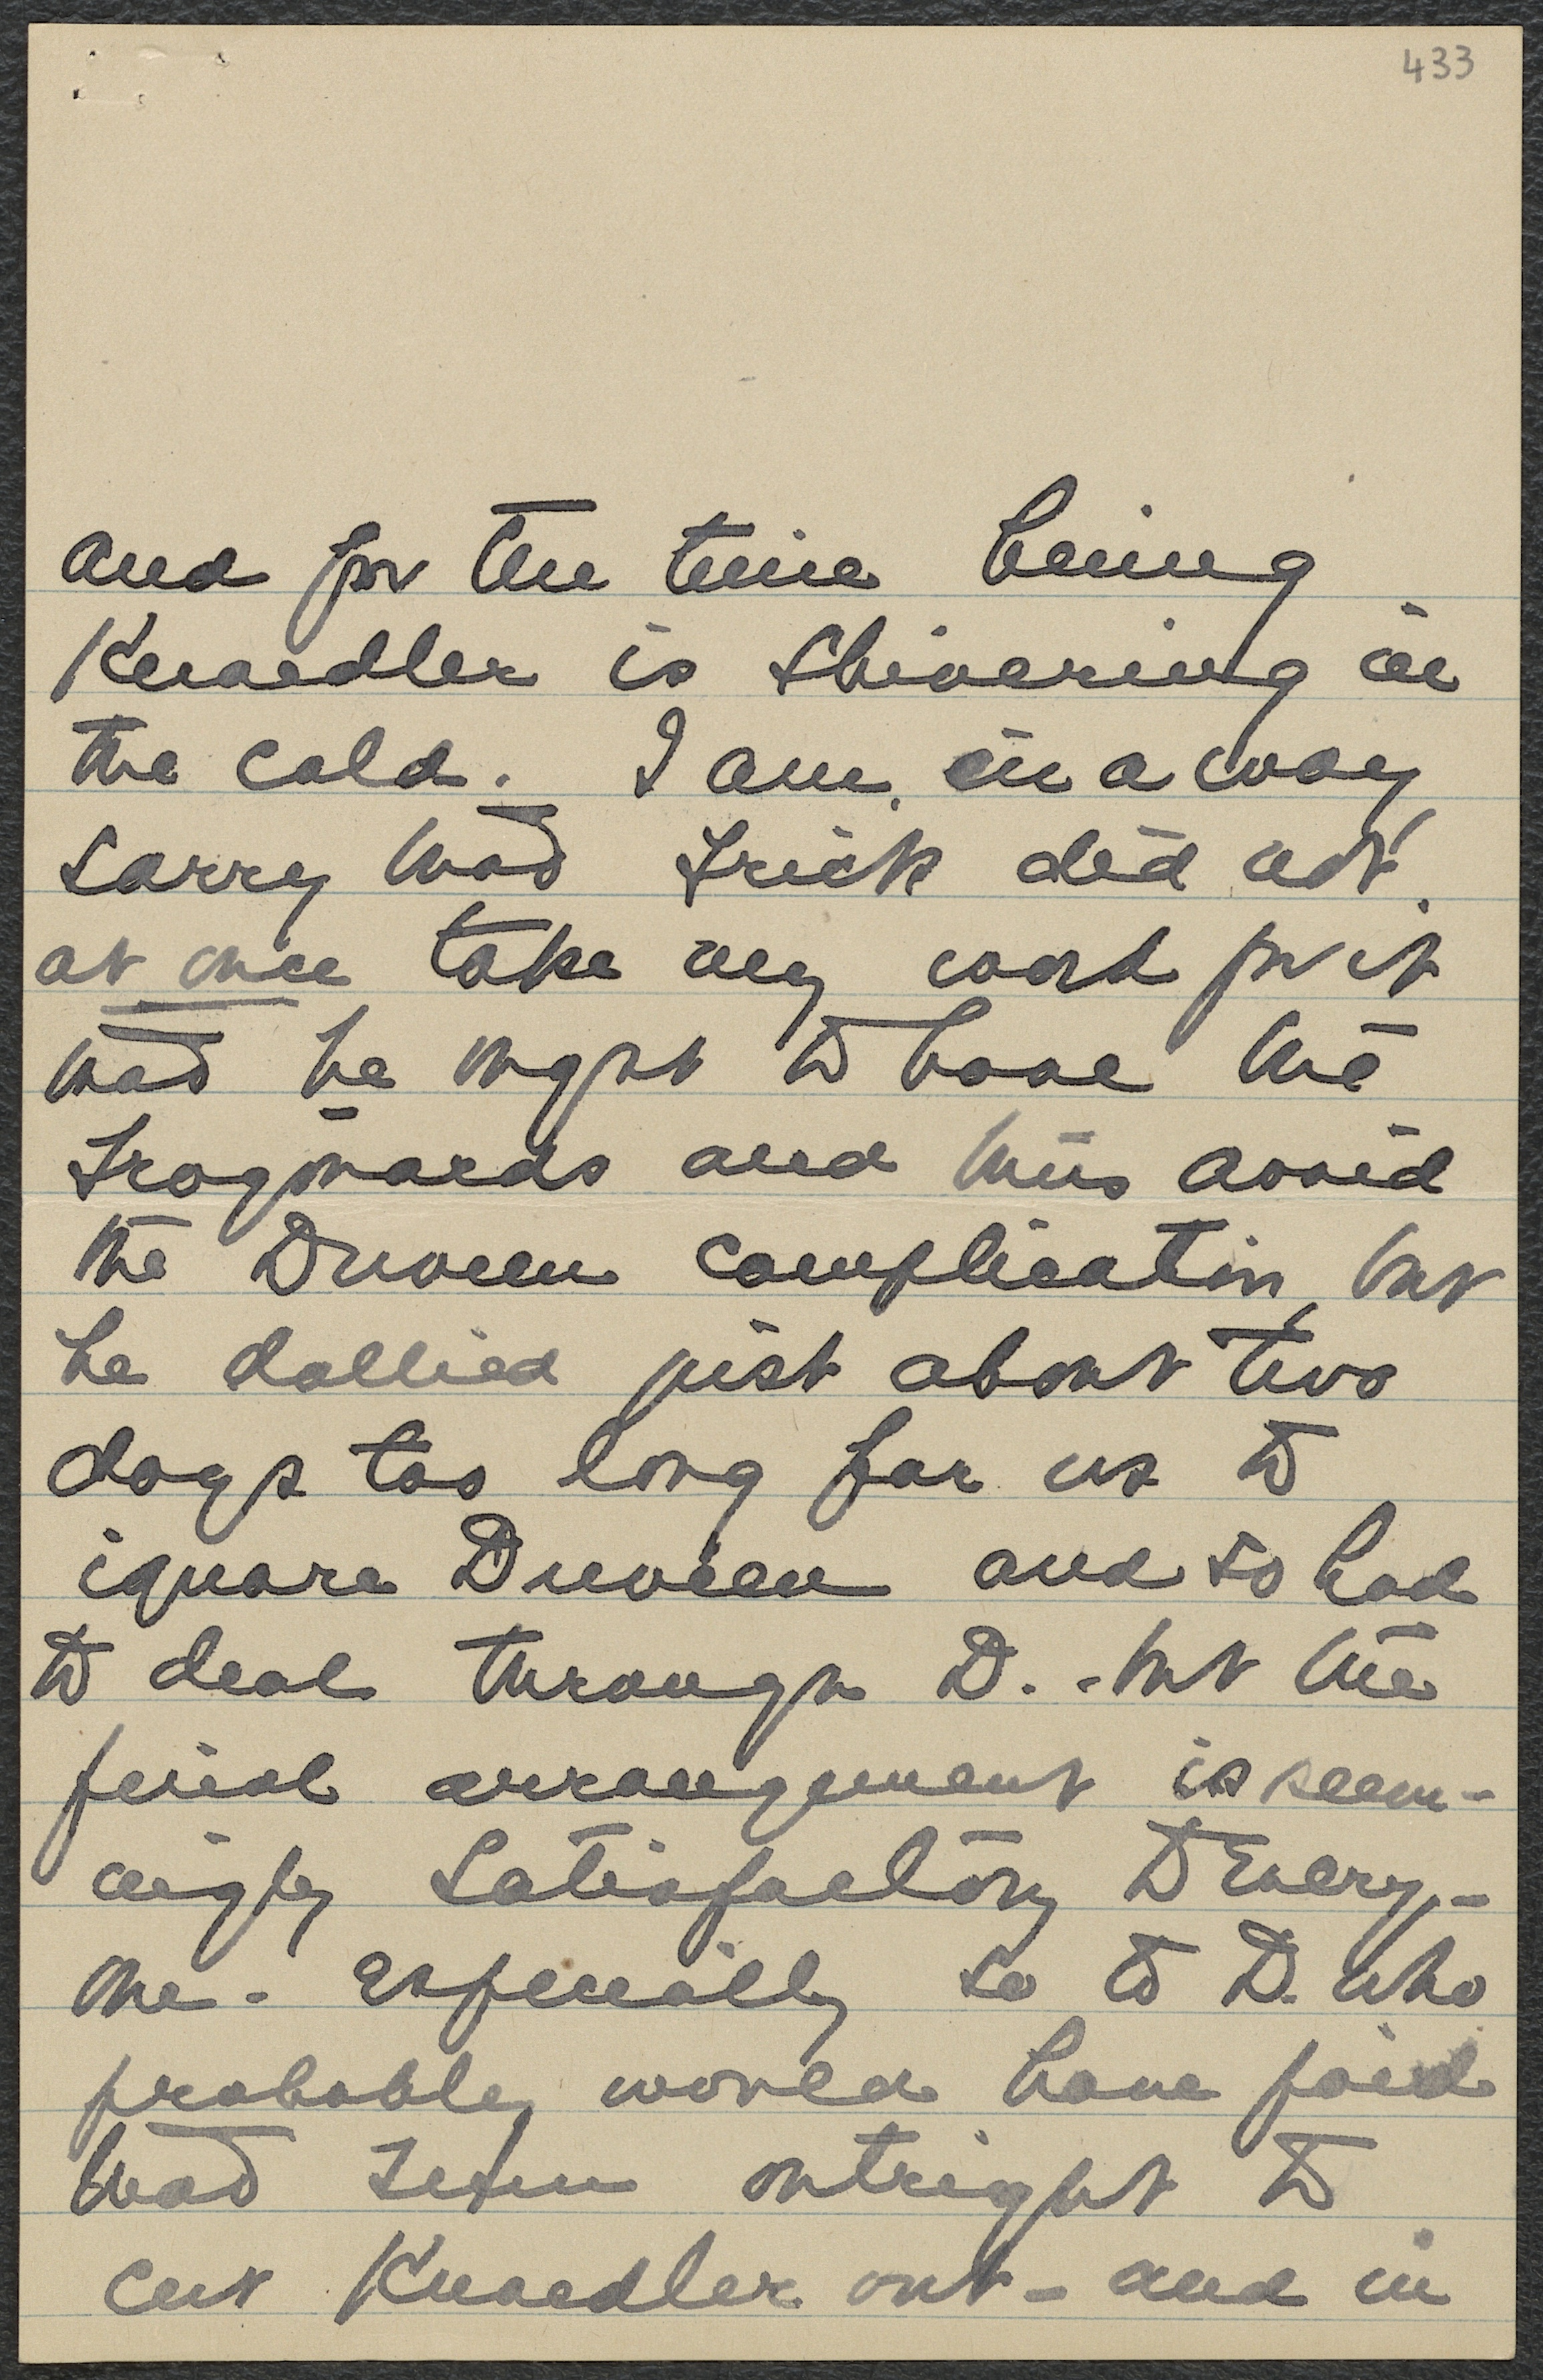and for the time being Knoedler is shivering in the cold. I am in a way sorry that Frick did not at once take my word for it that he ought to have the Fragonards and this avoid the Duveen complication but he dallied just about two days too long for us to ignore Duveen and so had to deal through D. – but the final arrangement is seemingly satisfactory to everyone – especially so to D. who probably would have paid that sum outright to cut Knoedler out – and in